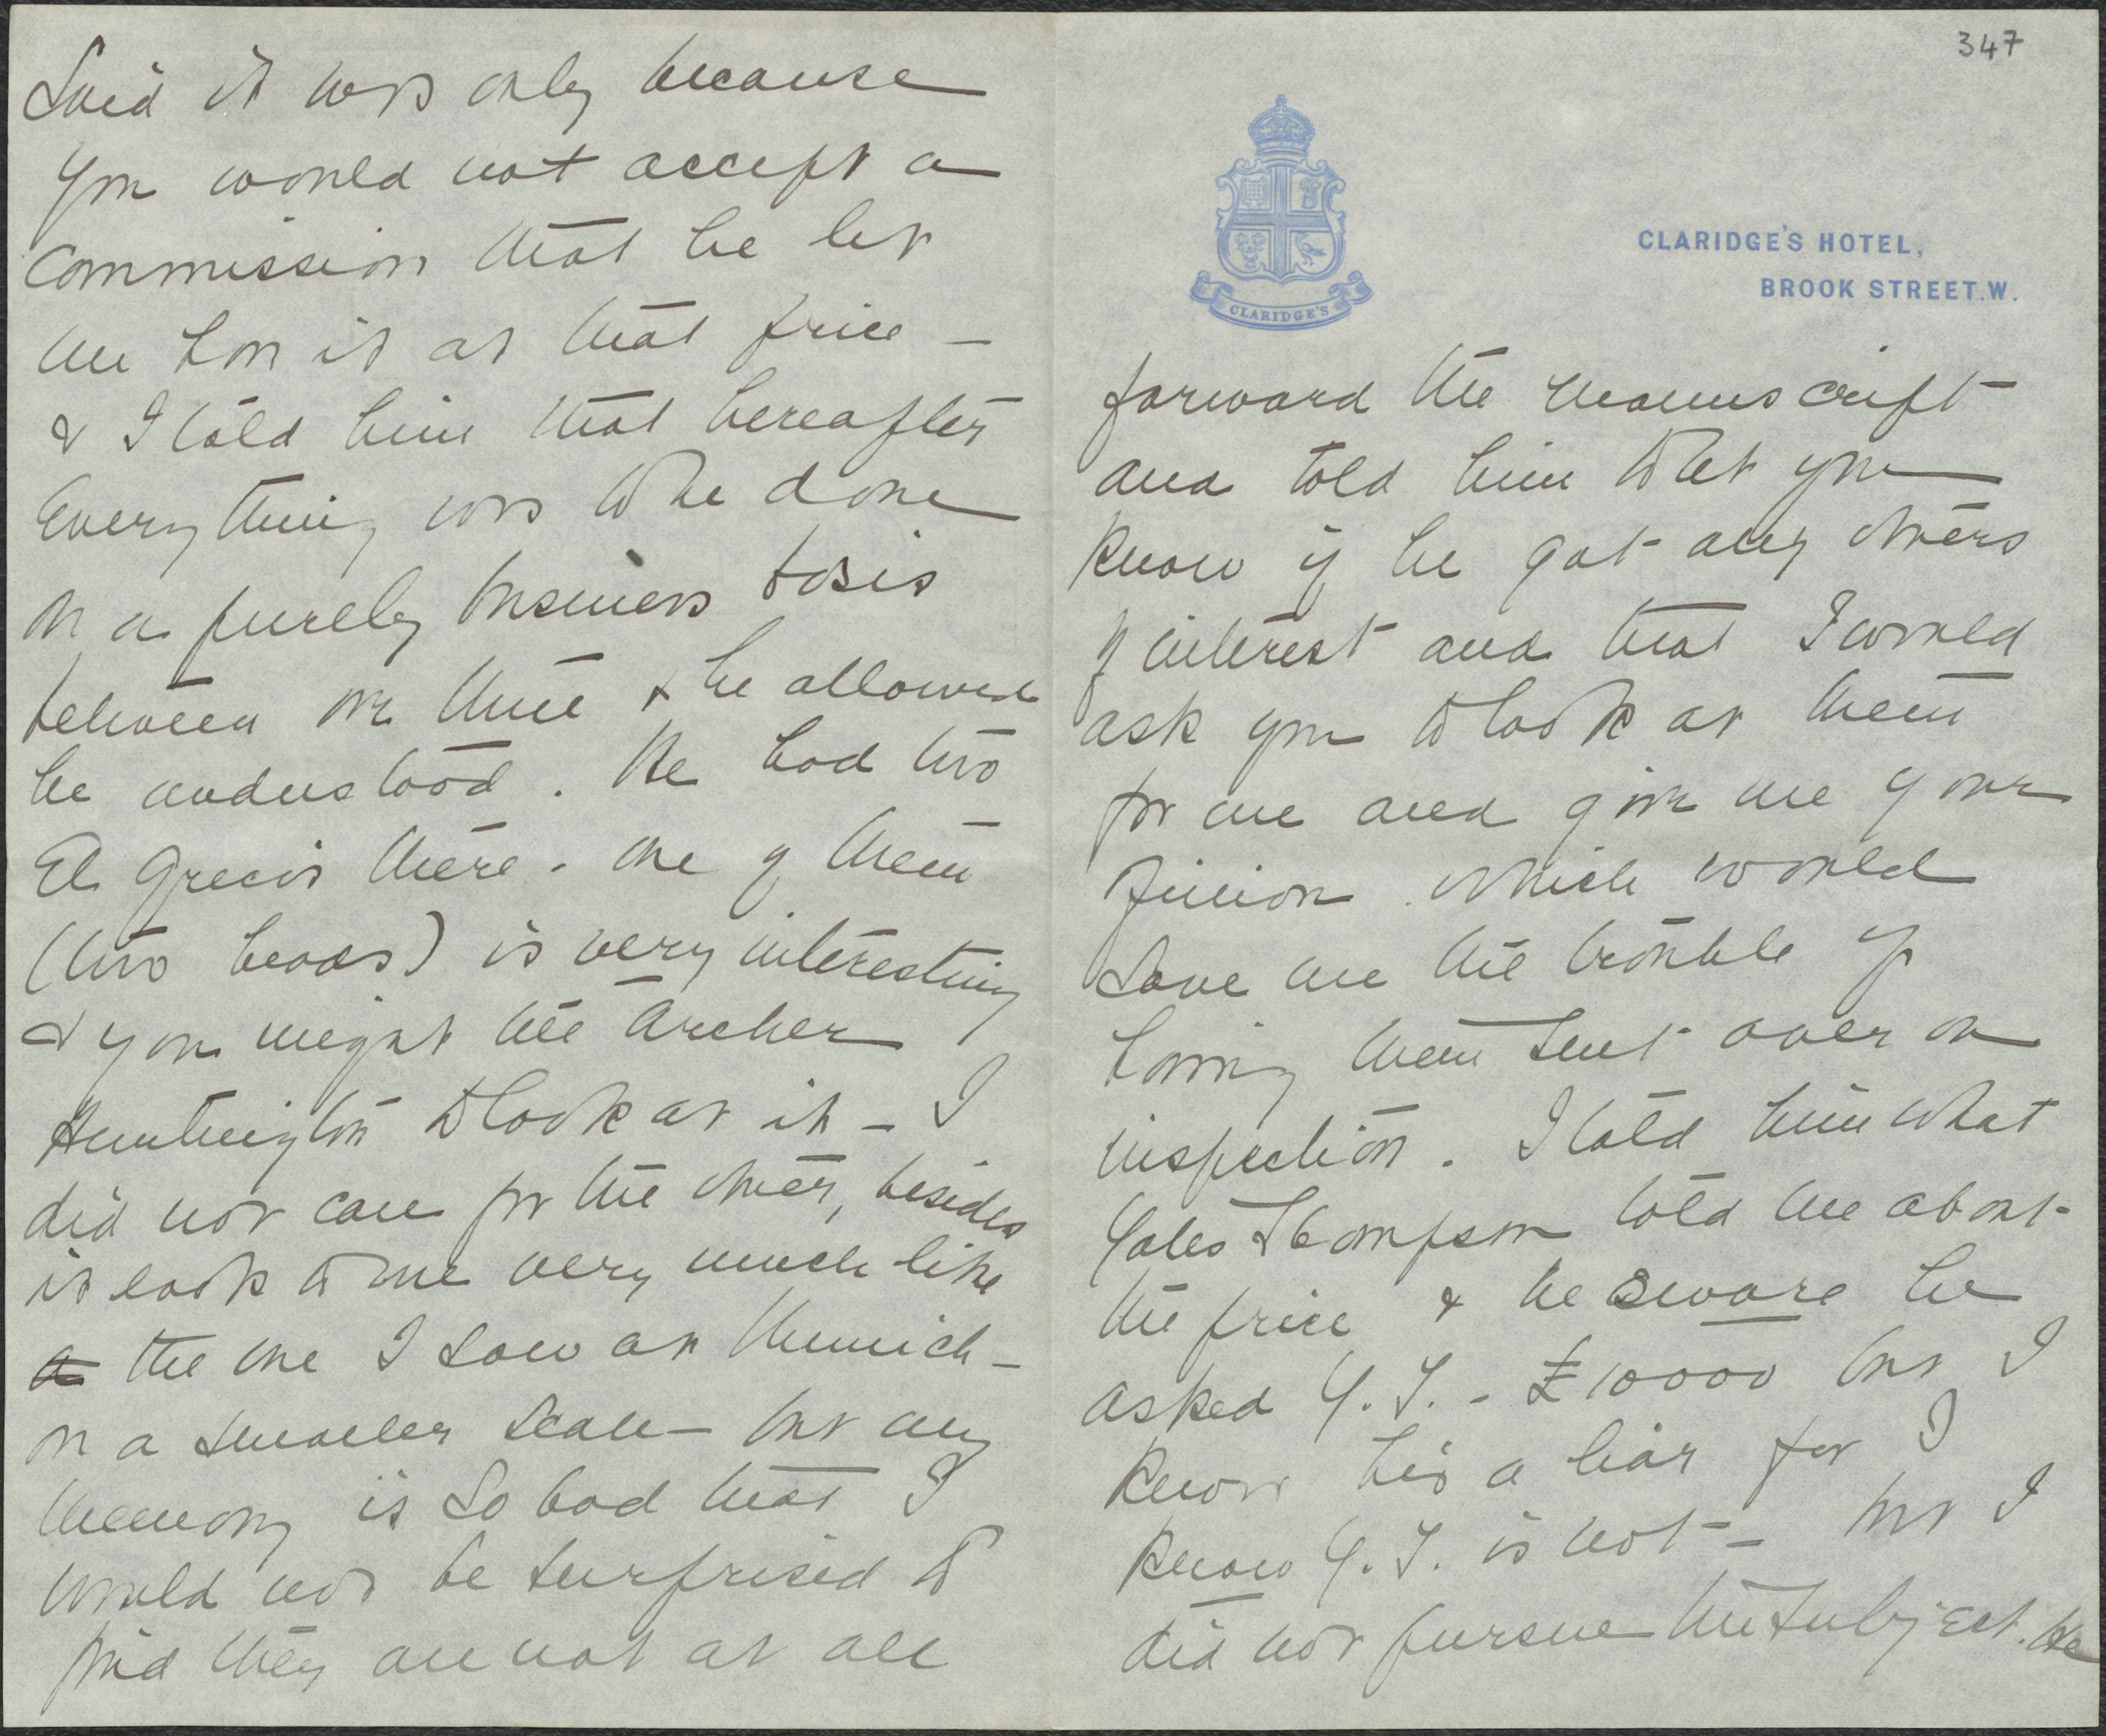forward the manuscript and told him to let you know if he got any others of interest and that I would ask you to look at them for me and give me your opinion. which would save me the trouble of having them sent over on inspection. I told him what Yates Thompson told me about the price & he swore he asked Y. T. – £10000 but I know he’s a liar for I know Y.T. is not – but I did not pursue the subject. He
said it was only because you would not accept a commission that he let me have it at that price – & I told him that hereafter every thing was to be done on a purely business basis between we three & he allowed he understood. He had two El Greco’s there – one of them (two heads) is very interesting & you might tell Archer Huntington to look at it – I did not care for the other, besides it looks to me very much like a the one I saw at Munich – on a smaller scale – but my memory is so bad that I would not be surprised to find they are not at all